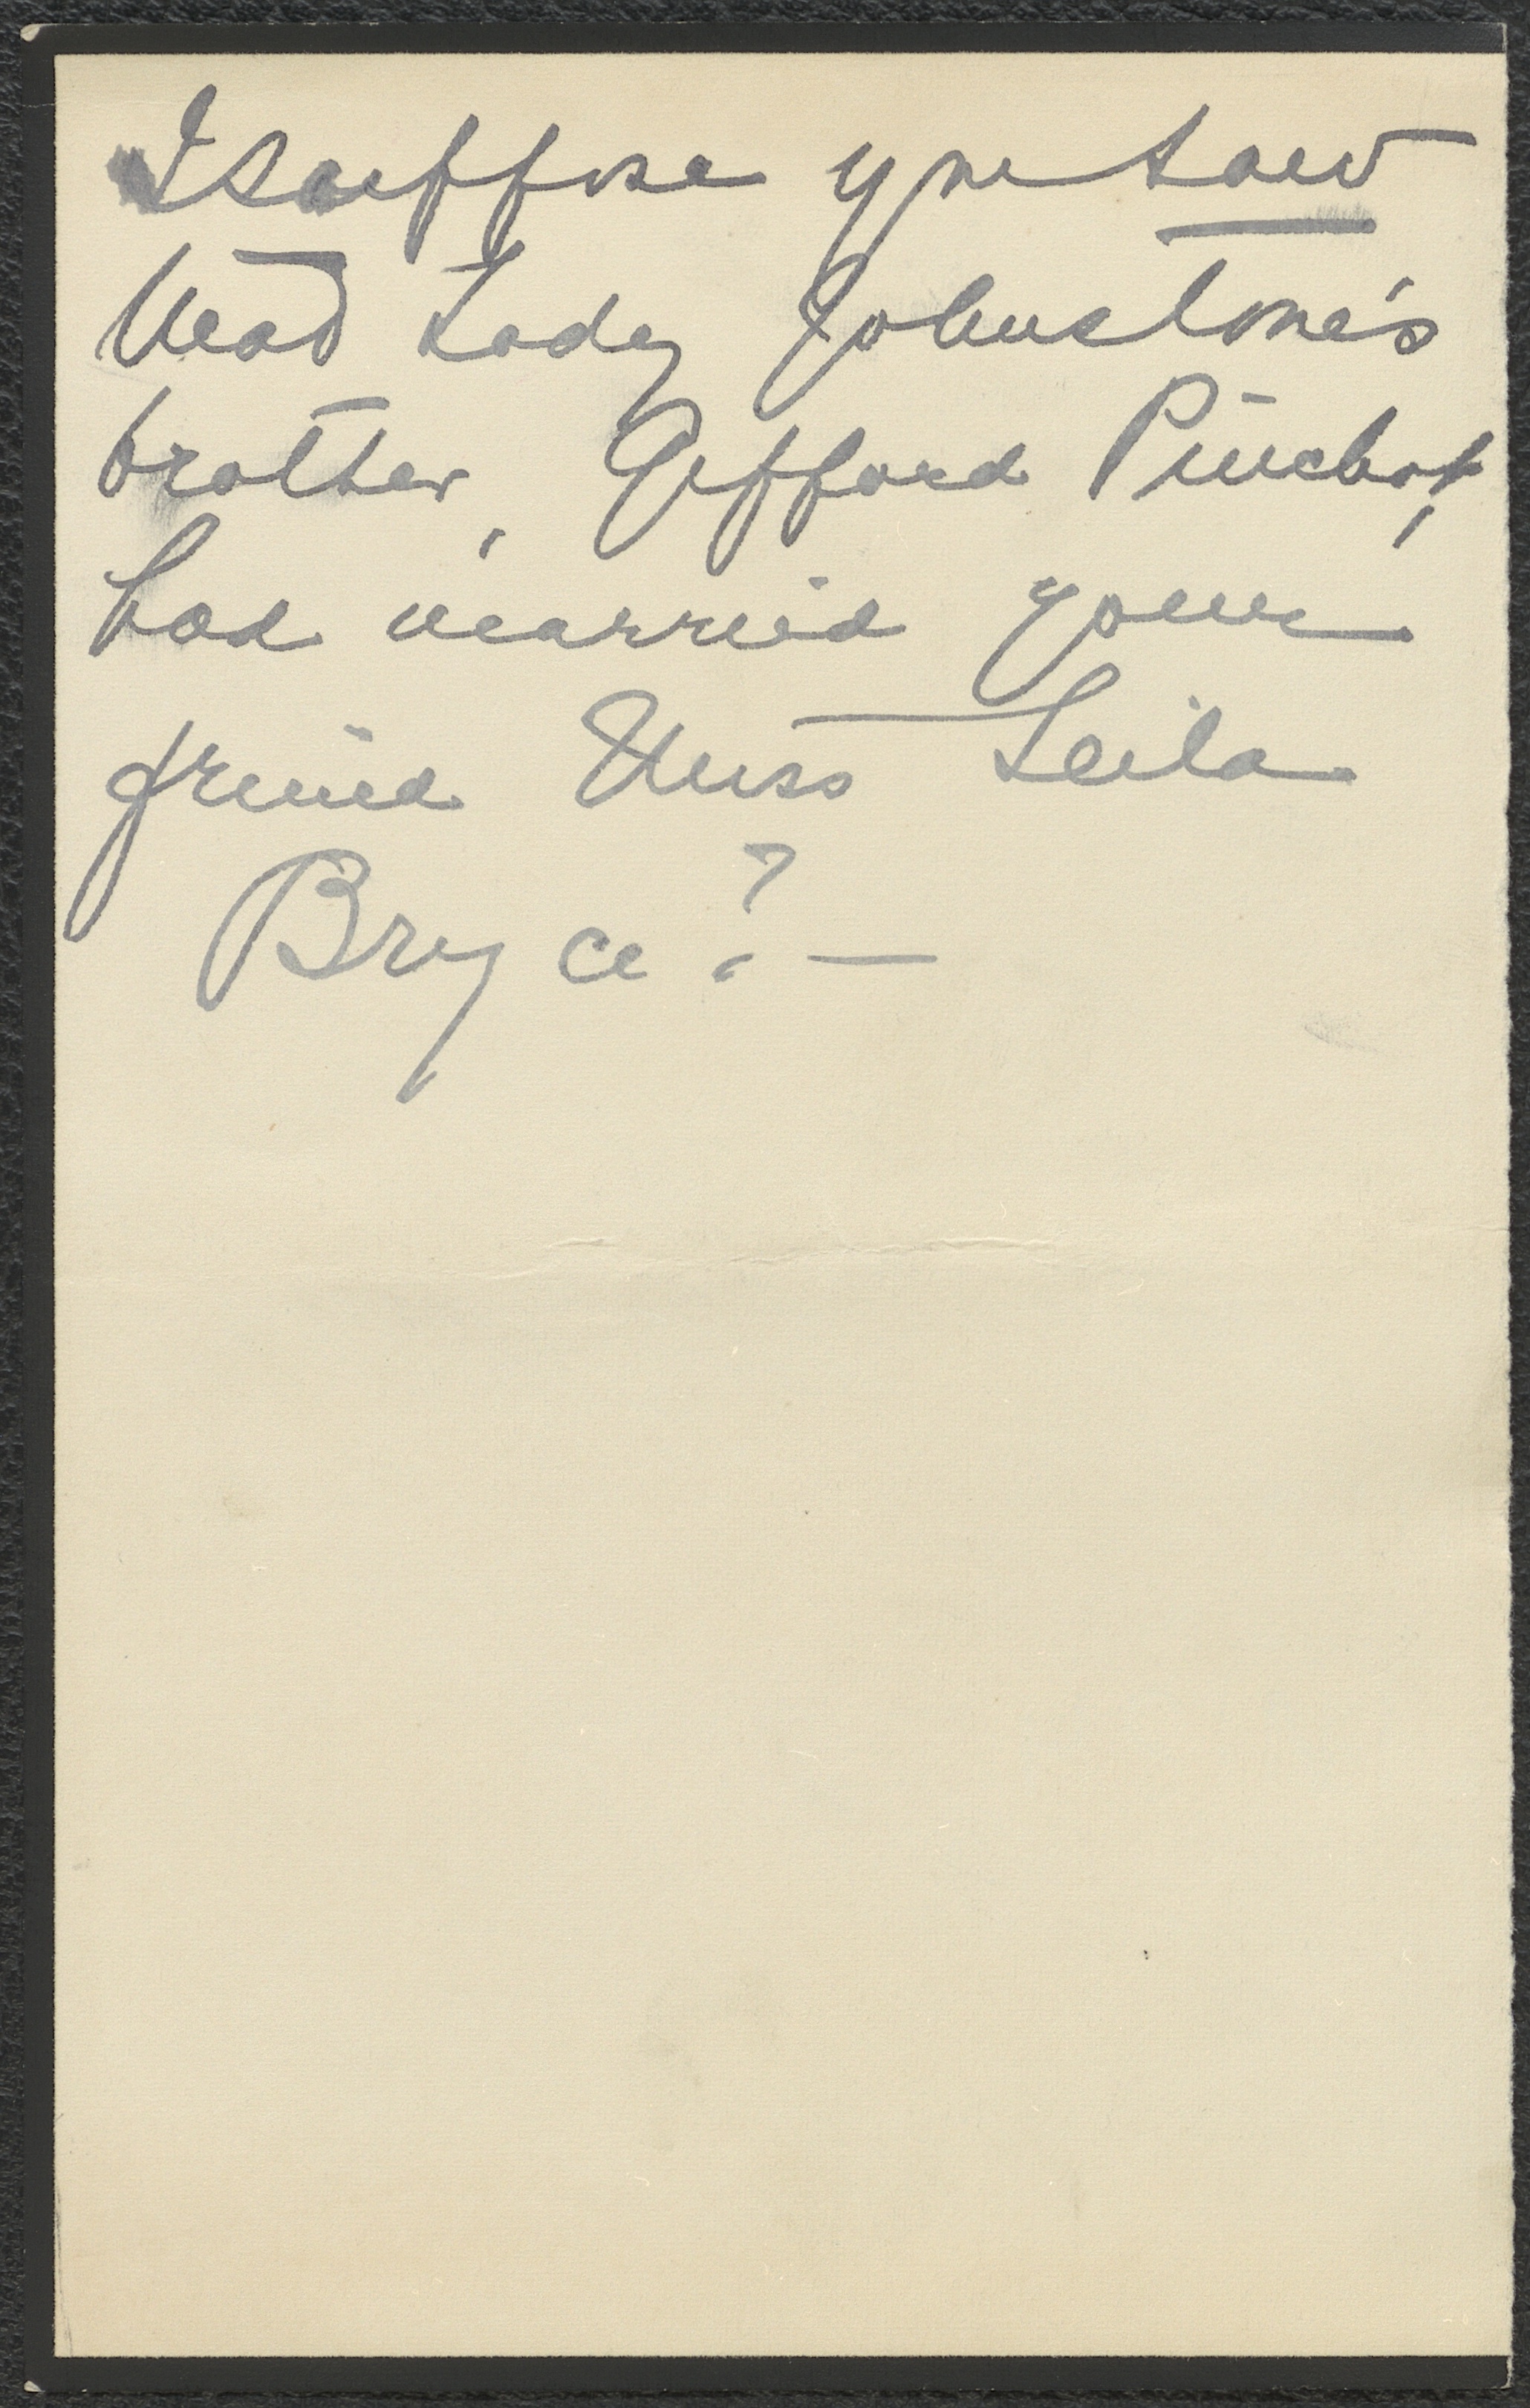I suppose you saw that Lady Johnstone's brother, Gifford Pinchot, had married your friend Miss Leila Bryce? –